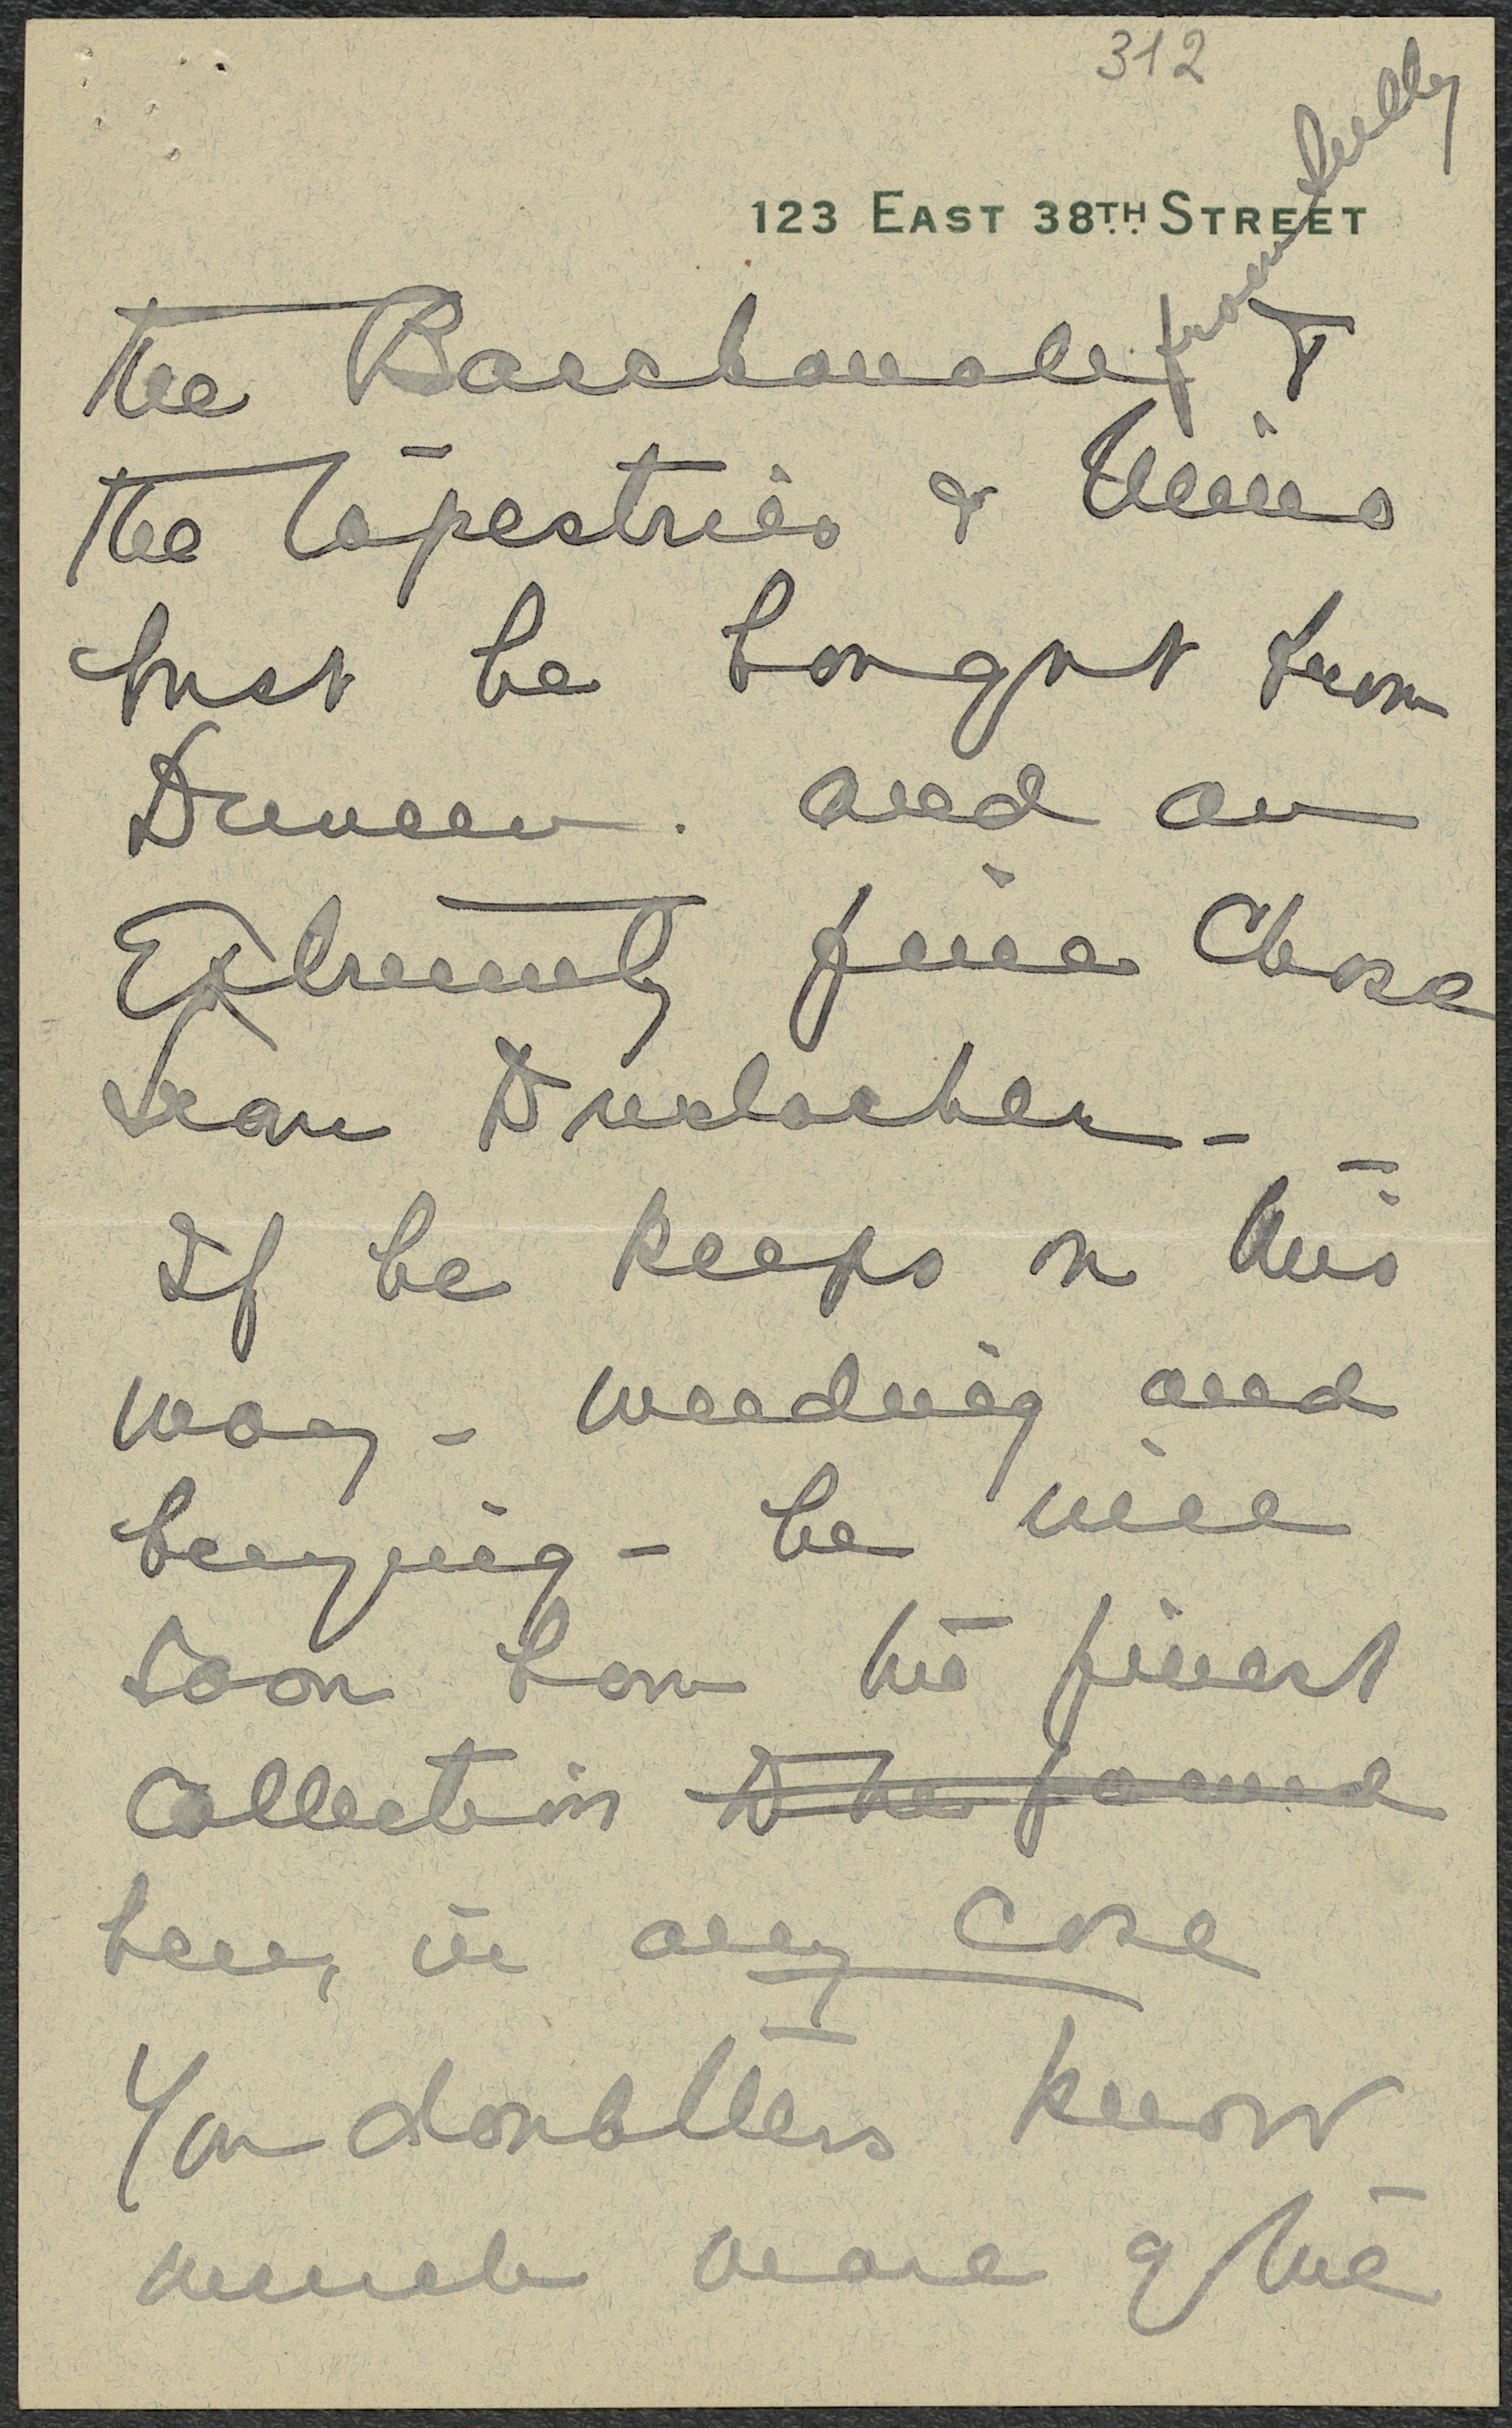the Baccahanale [^from Sully^] & the tapestries & Mino bust he bought from Duveen. and an extremely fine chose from Durlacher –
If he keeps on this way – weeding and buying – he will soon have the finest collection to be found here in any case You doubtless know much more of the